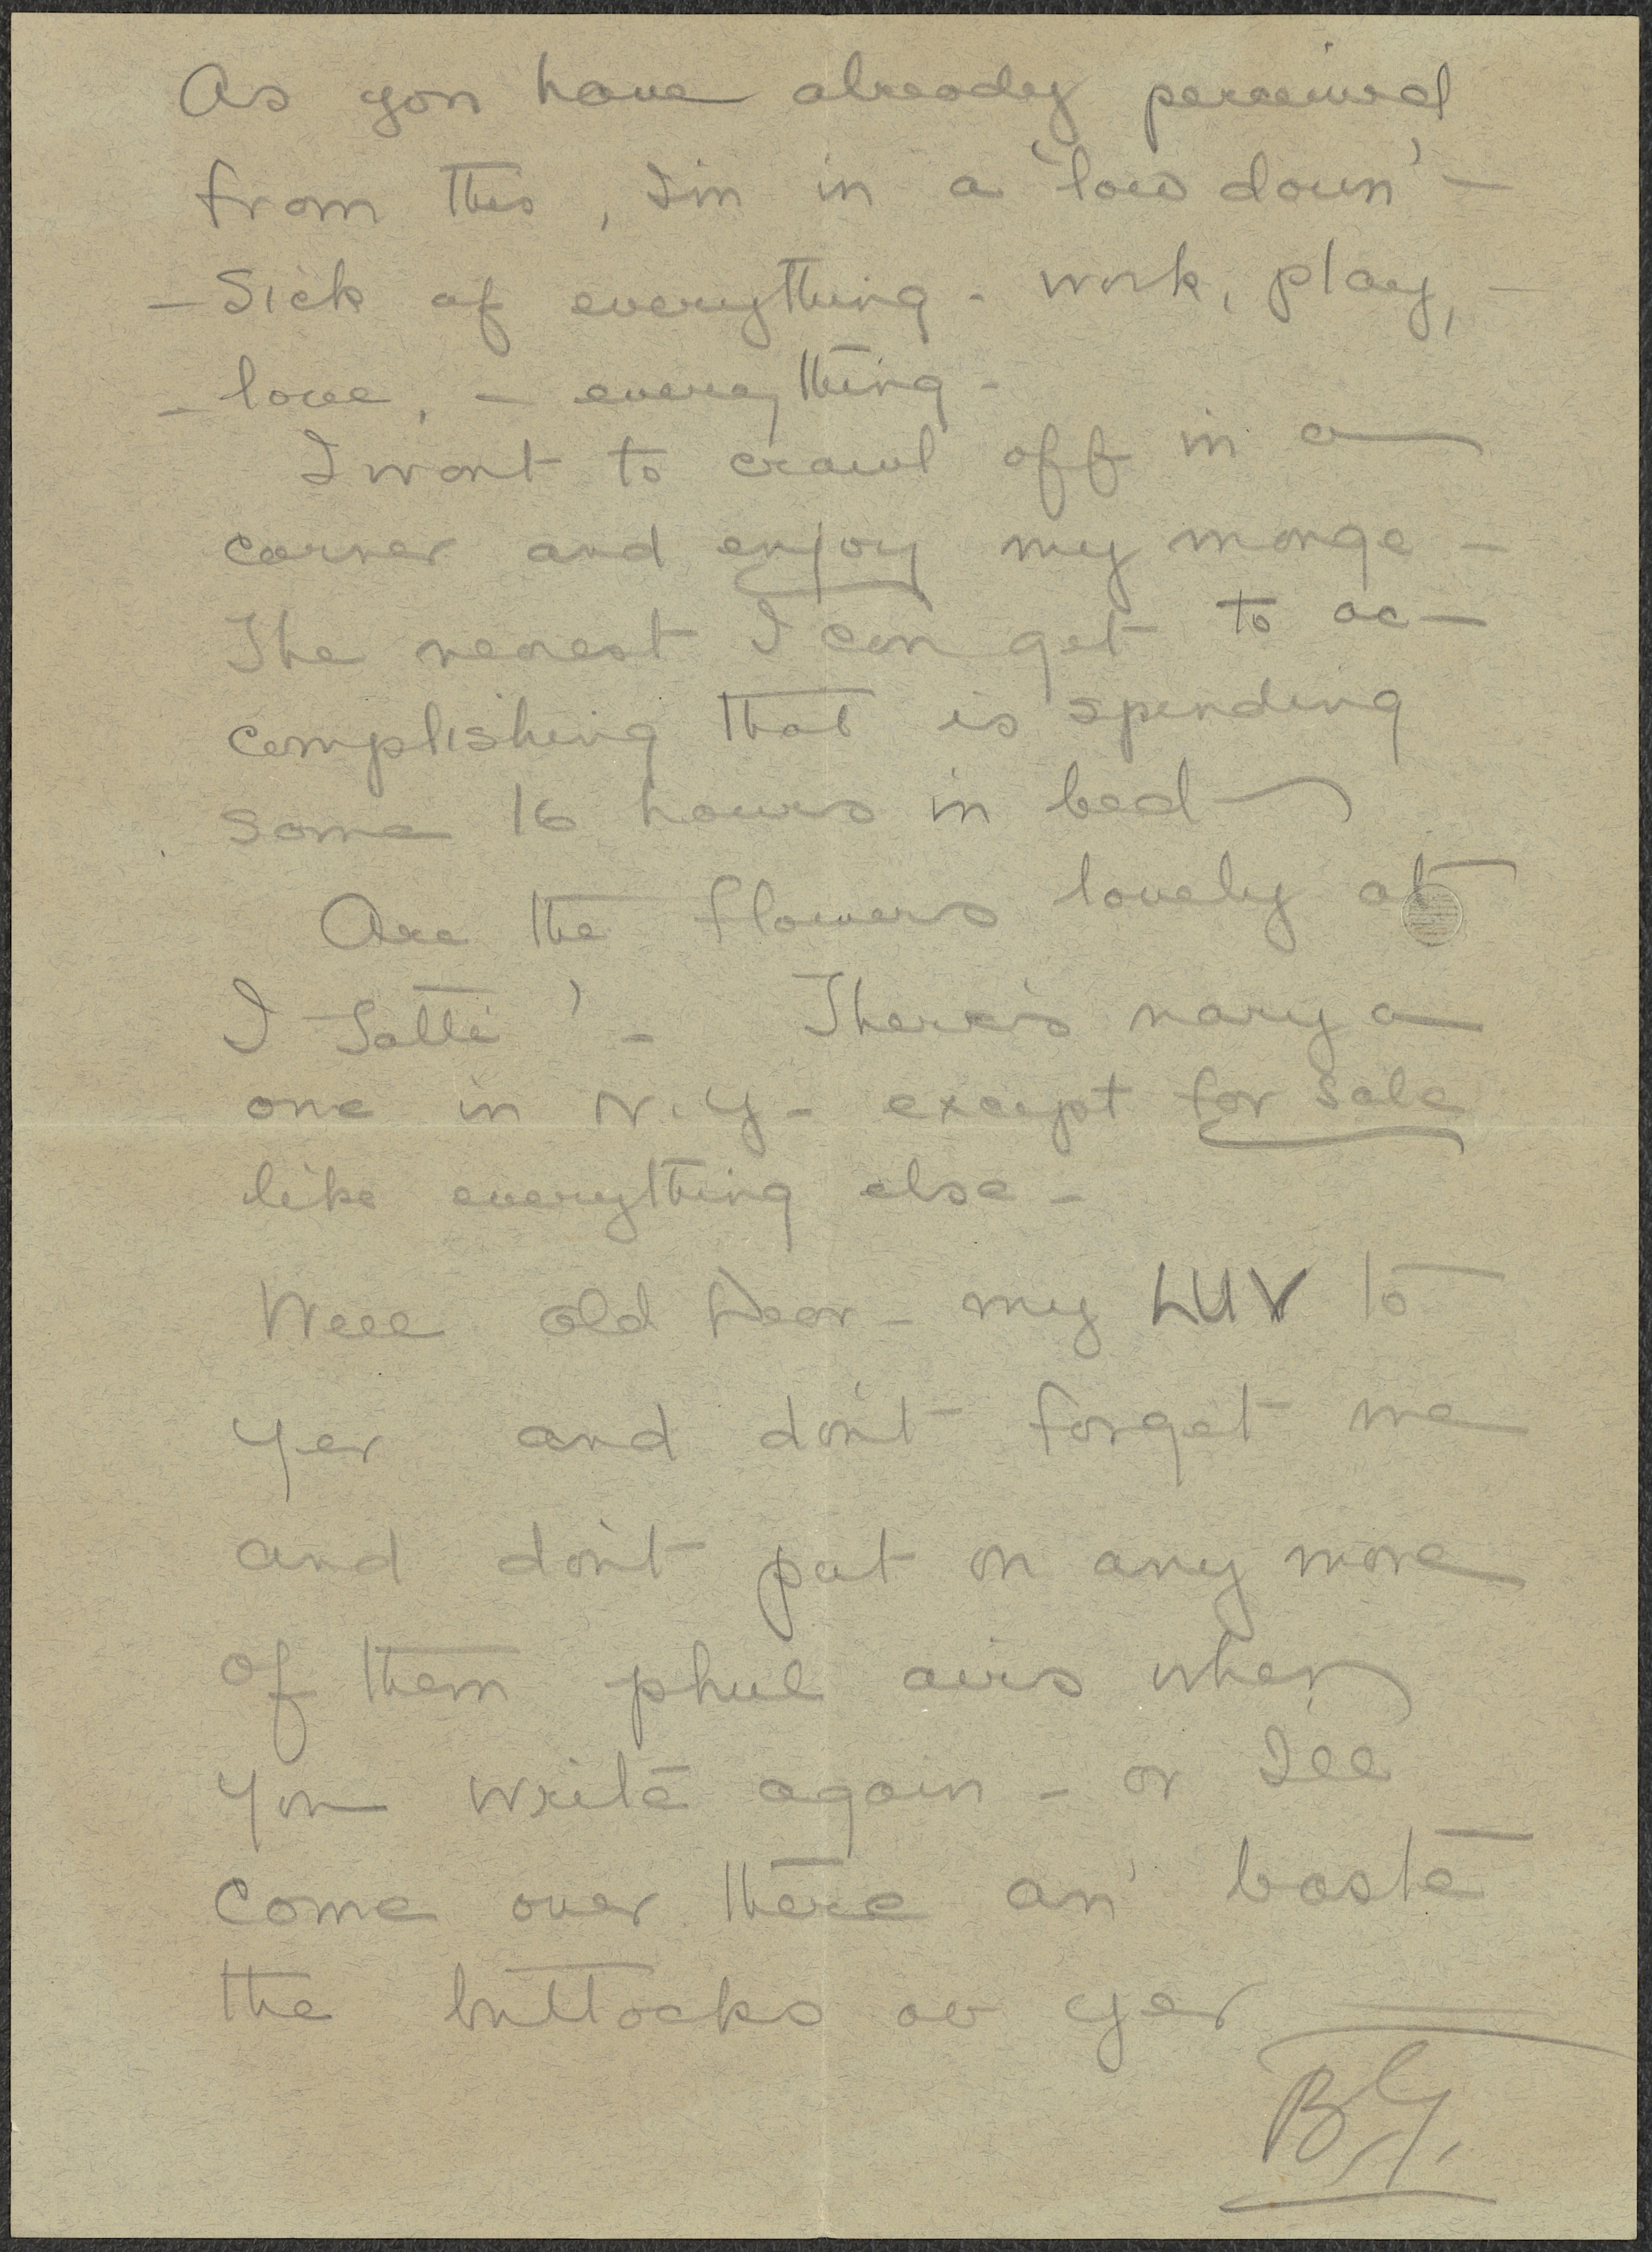As you have already perceived from this, I’m in a ‘low down’ – sick of everything – work, play, – love, – everything.
I want to crawl off in a corner and enjoy my mange – The nearest I can get to accomplishing that is spending some 16 hours in bed –
Are the flowers lovely at I Tatti? – There’s nary a one in N.Y – except for sale like everything else –
Well old Dear – my LUV to you and don’t forget me and don’t put on any more of them phul airs when you write again – or I’ll come over there an’ baste the buttocks on yer –
B.G.